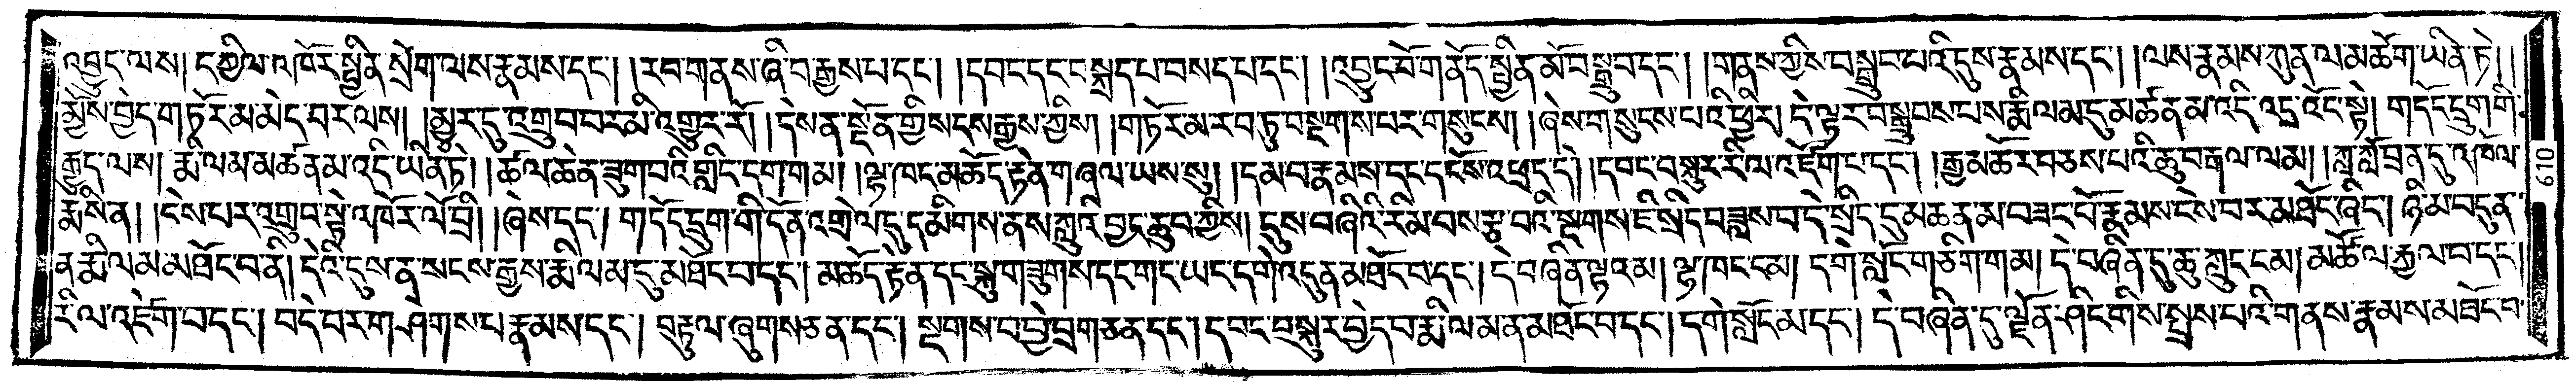འབྱུང་ལས། དཀྱིལ་འཁོར་སྦྱིན་སྲོག་ལས་རྣམས་དང་། །རབ་གནས་ཞི་བ་རྒྱས་པ་དང་། །དབང་དང་བསྐྲད་པ་བསད་པ་དང་། །འབྱུང་པོ་གནོད་སྦྱིན་མོ་བསྒྲུབ་དང་། །གནས་ཀྱིས་བསྒྲུབ་པའི་དུས་རྣམས་དང་། །ལས་རྣམས་ཀུན་ལ་མཆོག་ཡིན་ཏེ།།
མྱོས་བྱེད་གཏོར་མ་མེད་བར་ལས། །མྱུར་དུ་འགྲུབ་པར་མི་འགྱུར་རོ། །དེས་ན་སྔོན་གྱི་སངས་རྒྱས་ཀྱིས། །གཏོར་མ་རབ་ཏུ་བསྔགས་པར་གསུངས། །ཞེས་གསུངས་པའི་ཕྱིར། དེ་ལྟར་བསྒྲུབས་པས་རྨི་ལམ་དུ་མཚན་མ་འདི་འདྲ་འོང་སྟེ། གདོང་དྲུག་གི་
རྒྱུད་ལས། རྨི་ལམ་མཚན་མ་འདི་ཡིན་ཏེ། །ཚལ་ཆེན་ཟུག་པའི་གླིང་དག་གམ། །ལྷ་ཁང་མཆོད་རྟེན་གཞལ་ཡས་སུ། །དམ་པ་རྣམས་དང་དངོས་འཕྲད་དེ། །དབང་བསྐུར་རིལ་འཛོག་པ་དང་། །རྒྱ་མཚོར་བཅས་པའི་ཆུ་བརྒལ་ལམ། །ཀླ་ཀློ་བྲན་དུ་འཁོལ་
རྨིས་ན། །ངེས་པར་འགྲུབ་སྟེ་འཁོར་ལོ་བྲི། །ཞེས་དང་། གདོང་དྲུག་གི་དོན་འགྲེལ་དུ་དམིགས་ནས་ཀླུའི་བྱང་ཆུབ་ཀྱིས། དུས་བཞིའི་རིམ་བས་རྩ་བའི་སྔགས་ཇི་སྲིད་བཟླས་པ་དེ་སྲིད་དུ་མཚན་མ་བཟང་པོ་རྣམས་ངེས་བར་མཐོང་ཞིང་། ཉི་མ་བདུན་
ན་རྨི་ལམ་མཐོང་བ་ནི། དེའི་དུས་ན་སངས་རྒྱས་རྨི་ལམ་དུ་མཐོང་བ་དང་། མཆོད་རྟེན་དང་སྐུ་གཟུགས་དང་གང་ཡང་དགེ་འདུན་མཐོང་བ་དང་། དེ་བཞིན་ལྟའམ། ལྷ་ཁང་ངམ། དགེ་སློང་གཅིག་གམ། དེ་བཞིན་དུ་ཆུ་ཀླུང་ངམ། མཚོ་ལ་རྐྱལ་བ་དང་།
རིལ་འཛེག་པ་དང་། བདེ་བར་གཤེགས་པ་རྣམས་དང་། བརྟུལ་ཞུགས་ཅན་དང་། སྔགས་པ་བྱེ་བྲག་ཅན་དང་། དབང་བསྐུར་བྱེད་པ་རྨི་ལམ་ན་མཐོང་བ་དང་། དགེ་སློང་མ་དང་། དེ་བཞིན་དུ་ལྗོན་ཤིང་གིས་སྤྲས་པའི་གནས་རྣམས་མཐོང་བ་